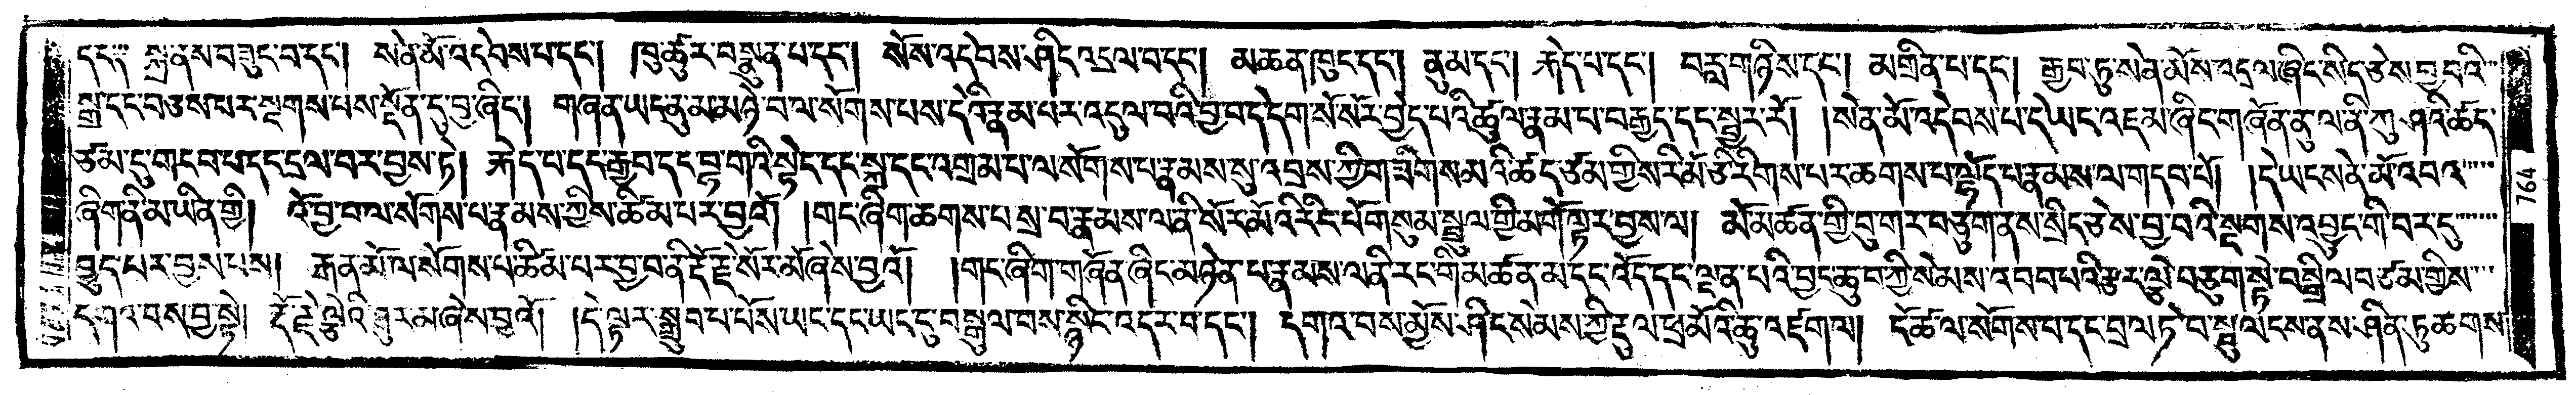དང༑ སྐྲ་ནས་བཟུང་བ་དང་། སེན་མོ་འདེབས་པ་དང་། ཁུ་ཚུར་བསྣུན་པ་དང་། སོས་འདེབས་ཤིང་འདྲལ་བ་དང་། མཆན་ཁུང་དང་། ནུ་མ་དང་། རྐེད་པ་དང་། བརླ་གཉིས་དང་། མགྲིན་པ་དང་། རྒྱབ་ཏུ་སེན་མོས་འདྲལ་ཞིང་སྲིད་ཅེས་བྱ་བའི་
སྒྲ་དང་བཅས་པར་སྔགས་པས་སྔོན་དུ་བྱ་ཞིང་། གཞན་ཡང་ནུ་མ་མཉེ་བ་ལ་སོགས་པས་དེའི་རྣམ་པར་འདུལ་བའི་བྱ་བ་དེ་དག་སོ་སོར་བྱེད་པའི་ཚུལ་རྣམ་པ་བརྒྱད་དང་སྦྱར་རོ། །སེན་མོ་འདེབས་པ་དེ་ཡང་འཇམ་ཞིང་གཞོན་ནུ་ལ་ནི་ཀུ་ཤའི་ཚད་
ཙམ་དུ་གདབ་པ་དང་དྲལ་བར་བྱས་ཏེ། རྐེད་པ་དང་རྒྱབ་དང་བྷ་གའི་སྟེང་དང་སྐྲ་དང་འགྲམ་པ་ལ་སོགས་པ་རྣམས་སུ་འབྲས་ཀྱི་གཟིགས་མའི་ཚད་ཙམ་གྱིས་རི་མོ་ཅི་རིགས་པར་ཆགས་པ་ལྷོད་པ་རྣམས་ལ་གདབ་པོ། །དེ་ཡང་སེན་མོ་འབའ་
ཞིག་ནི་མ་ཡིན་གྱི། འོ་བྱ་བ་ལ་སོགས་པ་རྣམས་ཀྱིས་ཚིམ་པར་བྱའོ། །གང་ཞིག་ཆགས་པ་སྲ་བ་རྣམས་ལ་ནི་སོར་མོའི་རིང་པོ་གསུམ་སྦྲུལ་གྱི་མགོ་ལྟར་བྱས་ལ། མོ་མཚན་གྱི་བུ་གར་བཅུ་གནས་སྲིད་ཅེས་བྱ་བའི་སྔགས་འབྱུང་གི་བར་དུ་
བྱུང་པར་བྱས་པས། རྒན་མོ་ལ་སོགས་པ་ཚིམ་པར་བྱ་བ་ནི་རྡོ་རྗེ་སོར་མོ་ཞེས་བྱའོ། །གང་ཞིག་གཞོན་ཞིང་མཉེན་པ་རྣམས་ལ་ནི་རང་གི་མཚན་མ་དང་འོད་དང་ལྡན་པའི་བྱང་ཆུབ་ཀྱི་སེམས་འབབ་པའི་རྩར་ལྕེ་བཅུག་སྟེ་བསྒྲིལ་བ་ཙམ་གྱིས་
དགའ་བས་བྱ་སྟེ། རྡོ་རྗེ་ལྕེའི་ཐུར་མ་ཞེས་བྱའོ། །དེ་ལྟར་སྒྲུབ་པ་པོས་ཡང་དང་ཡང་དུ་བསྒུལ་བས་སྙིང་འདར་བ་དང་། དགའ་བས་མྱོས་ཤིང་སེམས་ཀྱི་རྡུལ་ཕྲ་མོའི་ཆུ་འཛག་ལ། ངོ་ཚ་ལ་སོགས་པ་དང་བྲལ་ཏེ་བ་སྤུ་ལངས་ནས་ཤིན་ཏུ་ཆགས་